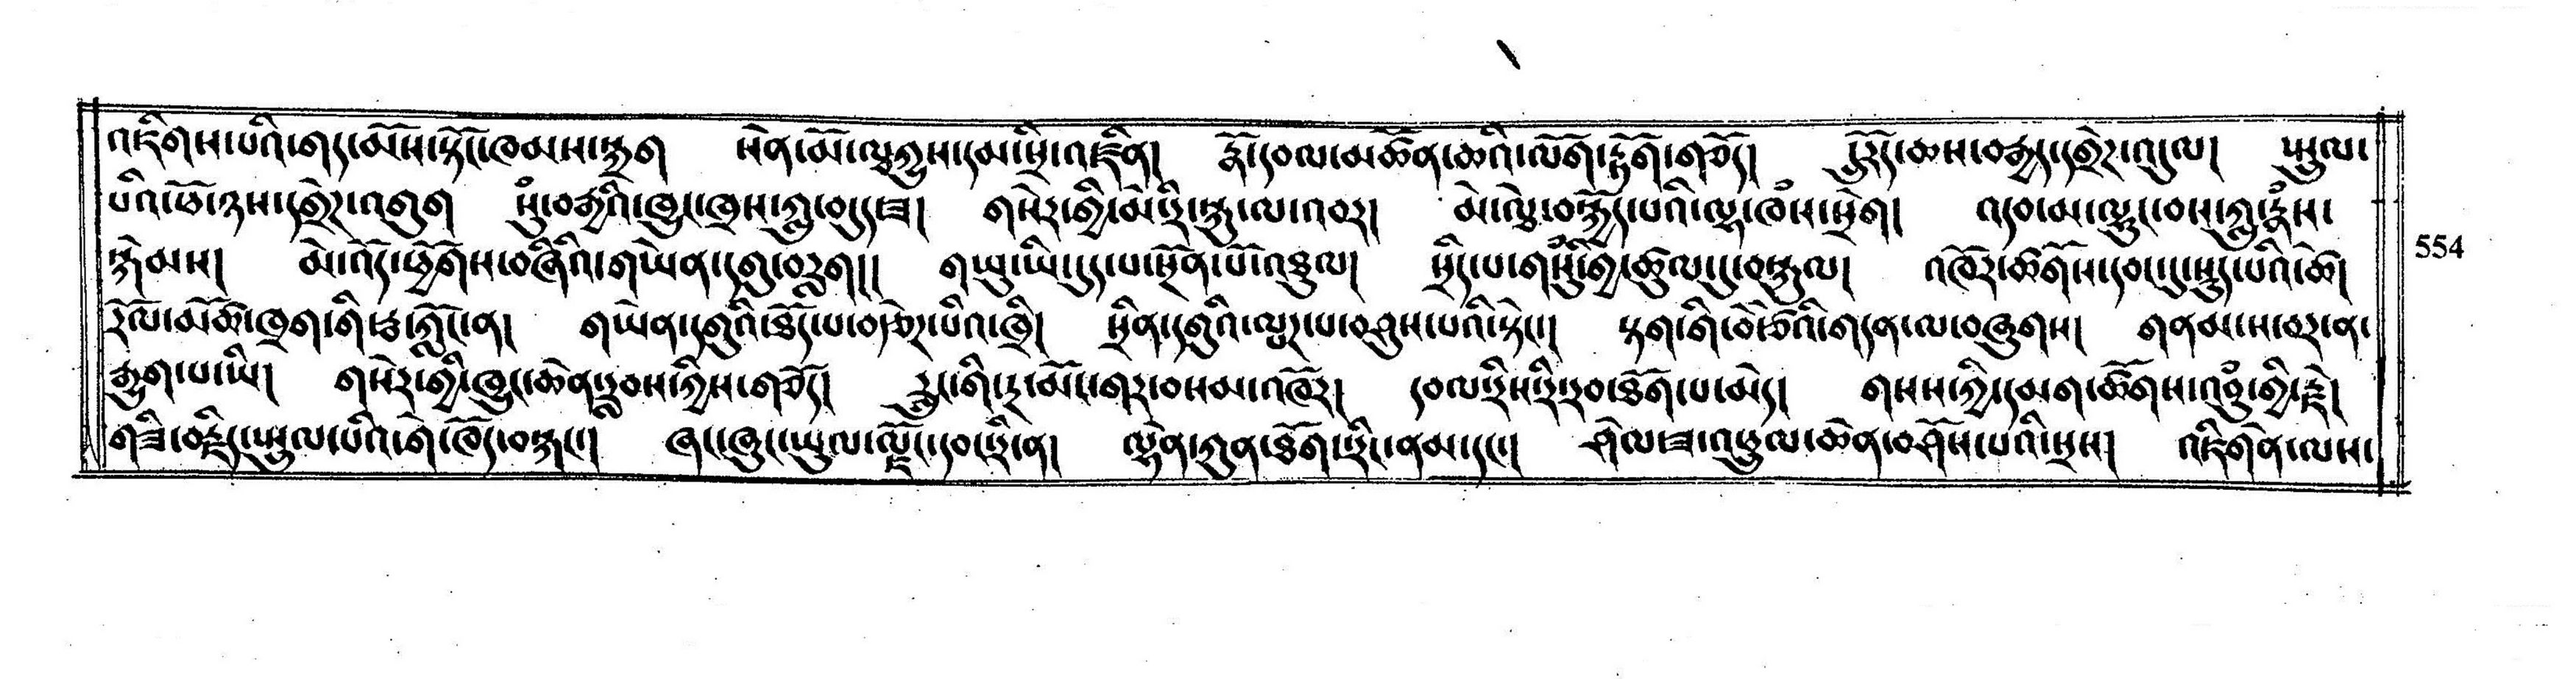འཇིགས་པའི་གད་མོས་སྟོང་ཁམས་སྐྲག སེན་མོ་ལྕག་ཀྱུས་དམ་སྲི་འཛིན། རྣོ་དབལ་མཚོན་ཆའི་ལོག་རྟོག་གཅོད། དུར་ཁྲོད་ཆས་བརྒྱད་དགྲ་བགེགས་འདུལ། སྤྲུལ་
པའི་ཕོ་ཉས་དགྲ་བགེགས་འགུག སུམ་བརྒྱའི་ཁྱུང་ཁྲས་ཀླུ་བདུད་ཟ། གསེར་གྱི་མེ་རི་སྐུ་ལ་འབར། མེ་ལྕེ་བསྐྱོད་པའི་ལྷ་ཁམས་སྲེག འདབ་མ་ལྷུང་བས་ཀླུ་རྣམས་
སྐེམས། མེ་འོད་ཕྱོགས་བཞིའི་གཡེན་དགུ་བརླག།། གཡུ་ཡི་དུད་པ་སྔོན་པོ་འཐུལ། སྲིད་པ་གསུམ་གྱི་ཚུལ་དུ་བསྐུལ། འཁོར་ཚོགས་དབང་དུ་སྡུད་པའི་ཚེ། 
རོལ་མཚོ་ཁྲག་གི་རྦ་ཀློང་ན། གཡེན་དགུའི་ཐོད་པ་བརྩེགས་པའི་ཁྲི། སྲིན་དགུའི་ལྤགས་པ་བཤུས་པའི་སྟེང་། སྟག་གི་བཻ་ཙའི་གདན་ལ་བཞུགས། གནམ་ས་བར་ན་
རྒྱུག་པ་ཡི། གསེར་གྱི་ཁྱུང་ཆེན་རླབས་ཀྱིས་གཅོད། རླུང་གི་རྔ་མོང་གར་བསམ་འཁོར། དབལ་རིས་རི་རབ་ཐོག་པ་མེད། གསས་ཀྱི་དམག་ཚོགས་འབུམ་གྱི་རྗེ། 
གཟི་བརྗིད་སྤྲུལ་པའི་གེ་ཁོད་བསྐང་། ཞང་ཞུང་ཡུལ་ལྗོང་དབང་རི་ན། ལྷ་ཆེན་ཀུན་ཐོག་རིང་ནམ་དང་། ཤེལ་ཟ་འཕྲུལ་ཆེན་བཤོས་པའི་སྲས། འཇིག་རྟེན་ལས་